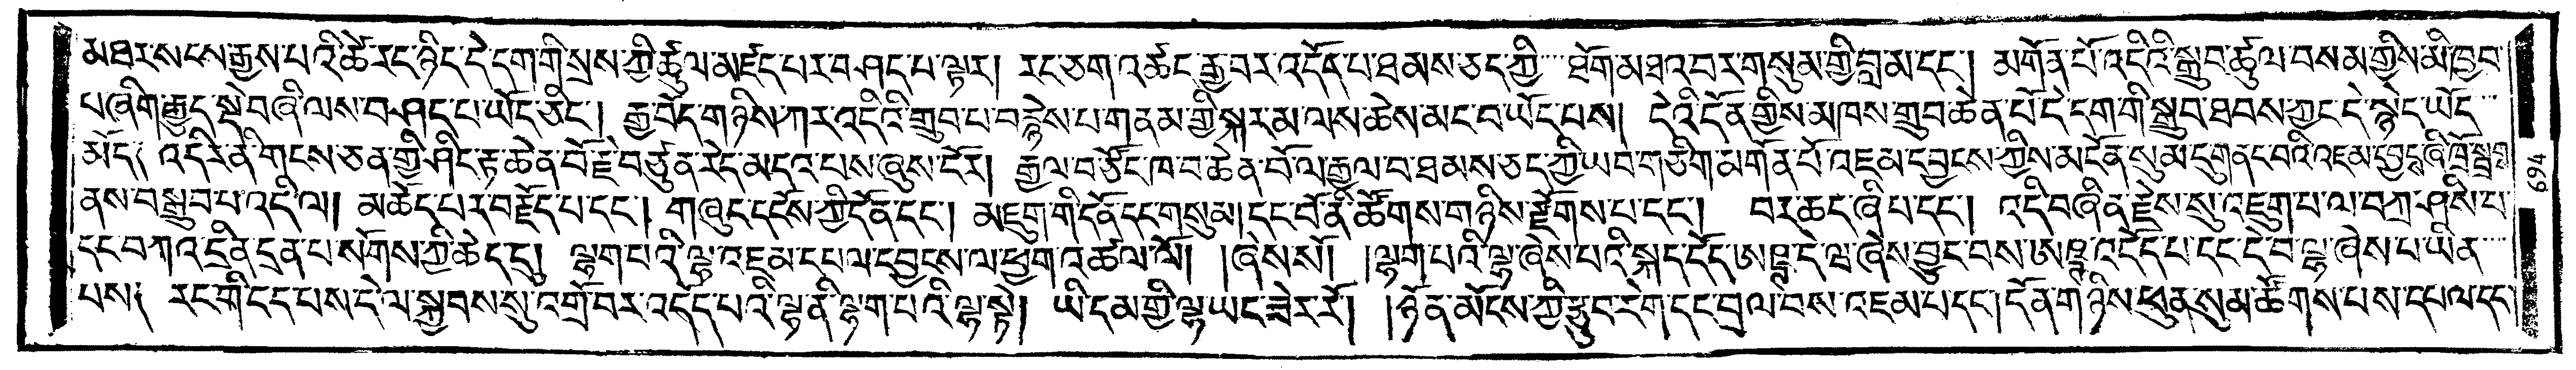མཐར་སངས་རྒྱས་པའི་ཚེ་རང་ཉིད་དེ་དག་གི་སྲས་ཀྱི་ཚུལ་མཛད་པར་བཤད་པ་ལྟར། རང་ཅག་འཚང་རྒྱ་བར་འདོད་པ་ཐམས་ཅད་ཀྱི་ཐོག་མཐའ་བར་གསུམ་གྱི་བླ་མ་དང་། མགོན་པོ་འདིའི་སྒྲུབ་ཚུལ་བསམ་གྱིས་མི་ཁྱབ་
པ་ཞིག་རྒྱུད་སྡེ་བཞི་ལས་བཤད་པ་ཡོད་ཅིང་། རྒྱ་བོད་གཉིས་ཀར་འདིའི་གྲུབ་པ་བརྙེས་པ་གནམ་གྱི་སྐར་མ་ལས་ཆེས་མང་བ་ཡོད་པས། དེའི་དོན་གྱིས་མཁས་གྲུབ་ཆེན་པོ་དེ་དག་གི་སྒྲུབ་ཐབས་ཀྱང་དེ་སྙེད་ཡོད་
མོད༑ འདིར་ནི་གངས་ཅན་གྱི་ཤིང་རྟ་ཆེན་པོ་རྗེ་བཙུན་རེད་མདའ་པས་ཞུས་ངོར། རྒྱལ་བ་ཙོང་ཁ་བ་ཆེན་པོ་ལ་རྒྱལ་བ་ཐམས་ཅད་ཀྱི་ཡབ་གཅིག་མགོན་པོ་འཇམ་དབྱངས་ཀྱིས་མངོན་སུམ་དུ་གནང་བའི་འཇམ་དབྱངས་ཞི་ཁྲོ་སྦྲགས་
ནས་བསྒྲུབ་པ་འདི་ལ། མཆོད་པར་བརྗོད་པ་དང་། གཞུང་དངོས་ཀྱི་དོན་དང་། མཇུག་གི་དོན་དང་གསུམ། དང་པོ་ནི་ཚོགས་གཉིས་རྫོགས་པ་དང་། བར་ཆད་ཞི་པ་དང་། འདི་བཞིན་རྗེས་སུ་འཇུག་པ་ལ་བཀྲ་ཤིས་པ་
དང་བཀའ་དྲིན་དྲན་པ་སོགས་ཀྱི་ཆེད་དུ། ལྷག་པའི་ལྷ་འཇམ་དཔལ་དབྱངས་ལ་ཕྱག་འཚལ་ལོ། །ཞེས་སོ། །ལྷག་པའི་ལྷ་ཞེས་པའི་སྐད་དོད་ཨཥྚ་དེ་ཝ་ཞེས་བྱུང་བས་ཨཥྚ་འདོད་པ་དང་དེ་བ་ལྷ་ཞེས་པ་ཡིན་
པས༑ རང་གི་ངང་པས་དེ་ལ་སྐྱབས་སུ་འགྲོ་བར་འདོད་པའི་ལྷ་ནི་ལྷག་པའི་ལྷ་སྟེ། ཡི་དམ་གྱི་ལྷ་ཡང་ཟེར་རོ། །ཉོན་མོངས་ཀྱི་རྩུབ་རེག་དང་བྲལ་བས་འཇམ་པ་དང་། དོན་གཉིས་ཕུན་སུམ་ཚོགས་པས་དཔལ་དང་